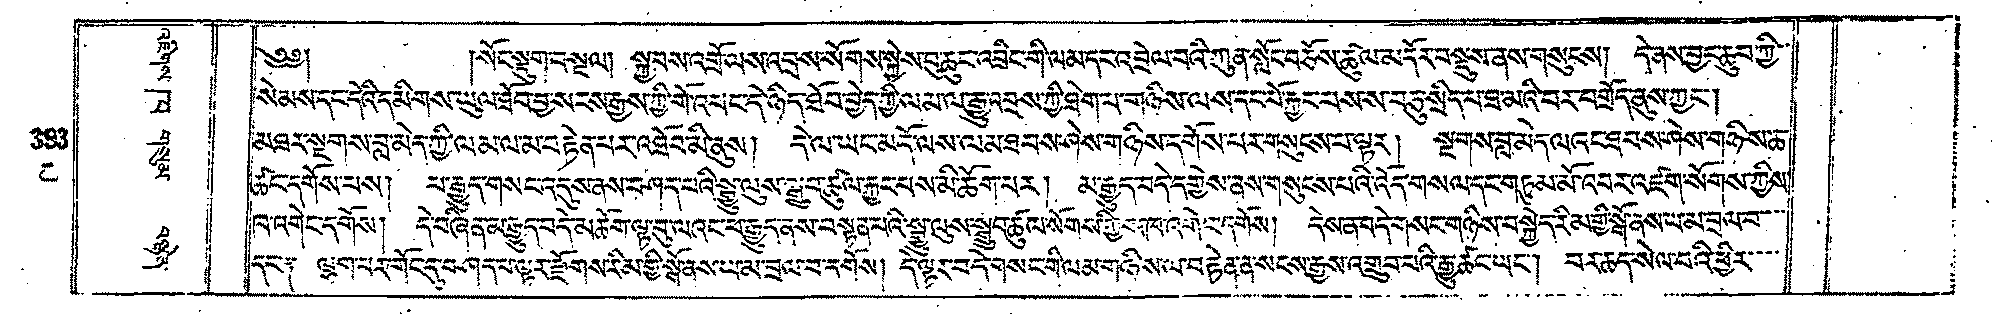༄༅། །སོང་སྡུག་བསྔལ། སྐྱབས་འགྲོ་ལས་འབྲས་སོགས་སྐྱེས་བུ་ཆུང་འབྲིང་གི་ལམ་དང་འབྲེལ་བའི་ཀུན་སློང་བཅོས་ཚུལ་མདོར་བསྡུས་ནས་གསུངས། དེ་ནས་བྱང་ཆུབ་ཀྱི་་་
སེམས་དང་དེའི་དམིགས་ཡུལ་ཐོབ་བྱ་སངས་རྒྱས་ཀྱི་གོ་འཕང་དེ་ཉིད་ཐོབ་བྱེད་ཀྱི་ལམ་ལ་རྒྱུ་འབྲས་ཀྱི་ཐེག་པ་གཉིས་ལས་དང་པོ་རྐྱང་པས་ས་བཅུ་སྲིད་པ་ཐ་མའི་བར་བགྲོད་ནུས་ཀྱང་།
མཐར་སྔགས་བླ་མེད་ཀྱི་ལ་མ་ལ་མ་བརྟེན་པར་འཐོབ་མི་ནུས། དེ་ལ་ཡང་མདོ་ལས་ལམ་ཐབས་ཤེས་གཉིས་དགོས་པར་གསུངས་པ་ལྟར། སྔགས་བླ་མེད་ལའང་ཐབས་ཤེས་གཉིས་ཆ་
ཚང་དགོས་པས། ཕ་རྒྱུད་གསང་འདུས་ནས་བཤད་པའི་སྒྱུ་ལུས་སྒྲུབ་ཚུལ་རྐྱང་པས་མི་ཆོག་པར། མ་རྒྱུད་བདེ་དགྱེས་ནས་གསུངས་པའི་འོད་གསལ་དང་གཏུམ་མོ་འབར་འཛག་སོགས་ཀྱིས་
ཁ་འགེང་དགོས། དེ་བཞིན་མ་རྒྱུད་བདེ་མཆོག་ལྟ་བུ་ལའང་ཕ་རྒྱུད་ནས་བསྟན་པའི་སྒྱུ་ལུས་སྒྲུབ་ཚུལ་སོགས་ཀྱིས་ཁ་འགེང་དགོས། དེས་ན་བདེ་གསང་གཉིས་བསྐྱེད་རིམ་གྱི་སྒོ་ནས་ཡ་མ་བྲལ་བ་་་
དང༑ ལྷག་པར་གོང་དུ་བཤད་པ་ལྟར་རྫོགས་རིམ་གྱི་སྒོ་ནས་ཡ་མ་བྲལ་བ་དགོས། དེ་ལྟར་བདེ་གསང་གི་ལམ་གཉིས་ལ་བརྟེན་ན་སངས་རྒྱས་འགྲུབ་པའི་རྒྱུ་ཚང་ཡང་། བར་ཆད་སེལ་བའི་ཕྱིར་་་